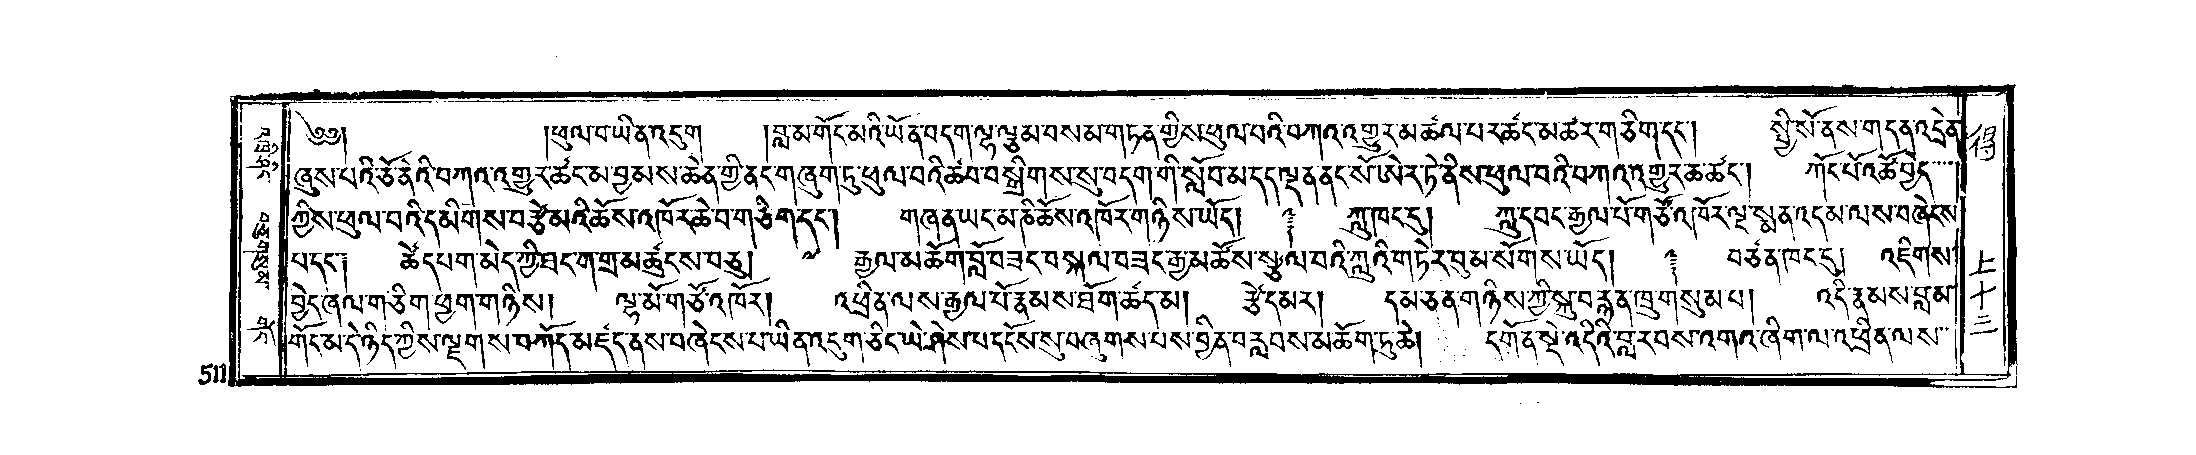༄༅། །ཕུལ་བ་ཡིན་འདུག །བླ་མ་གོང་མའི་ཡོན་བདག་ལྷ་ལྕམ་བསམ་གཏན་གྱིས་ཕུལ་བའི་བཀའ་འགྱུར་མཚལ་པར་ཚང་མ་ཚར་གཅིག་དང་། སྤྱི་སོ་ནས་གདན་འདྲེན་
ཞུས་པའི་ཅོ་ནེའི་བཀའ་འགྱུར་ཚང་མ་བྱམས་ཆེན་གྱི་ནང་གཞུག་ཏུ་ཕུལ་བའི་ཚབ་བསྒྲིགས་སུ་བདག་གི་སློབ་མ་དད་ལྡན་ནང་སོ་ཨེར་ཏེ་ནིས་ཕུལ་བའི་བཀའ་འགྱུར་ཆ་ཚང་། ཀོང་པོ་འཚོ་བྱེད་
ཀྱིས་ཕུལ་བའི་དམིགས་བརྩེ་མའི་ཆོས་འཁོར་ཆེ་བ་གཅིག་དང་། གཞན་ཡང་མ་ཎི་ཆོས་འཁོར་གཉིས་ཡོད། ༈ ཀླུ་ཁང་དུ། ཀླུ་དབང་རྒྱལ་པོ་གཙོ་འཁོར་ལྔ་སྨན་འདམ་ལས་བཞེངས་
པ་དང་། ཚེ་དཔག་མེད་ཀྱི་ཐང་ག་གྲ་མཚུངས་བཅུ། ༧་རྒྱལ་མཆོག་བློ་བཟང་བསྐལ་བཟང་རྒྱ་མཚོས་སྩལ་བའི་ཀླུའི་གཏེར་བུམ་སོགས་ཡོད། ༈ བཙན་ཁང་དུ། འཇིགས་
བྱེད་ཞལ་གཅིག་ཕྱག་གཉིས། ལྷ་མོ་གཙོ་འཁོར། འཕྲིན་ལས་རྒྱལ་པོ་རྣམས་ཐོག་ཚད་མ། རྩེ་དམར། དམ་ཅན་གཉིས་ཀྱི་སྐུ་བརྙན་ཁྲུ་གསུམ་པ། འདི་རྣམས་བླ་མ་
གོང་མ་དེ་ཉིད་ཀྱིས་ལྗགས་བཀོད་མཛད་ནས་བཞེངས་པ་ཡིན་འདུག་ཅིང་ཡེ་ཤེས་པ་དངོས་སུ་བཞུགས་པས་བྱིན་བརླབས་མཆོག་ཏུ་ཆེ། དགོན་སྡེ་འདིའི་བླ་རབས་འགའ་ཞིག་ལ་འཕྲིན་ལས་